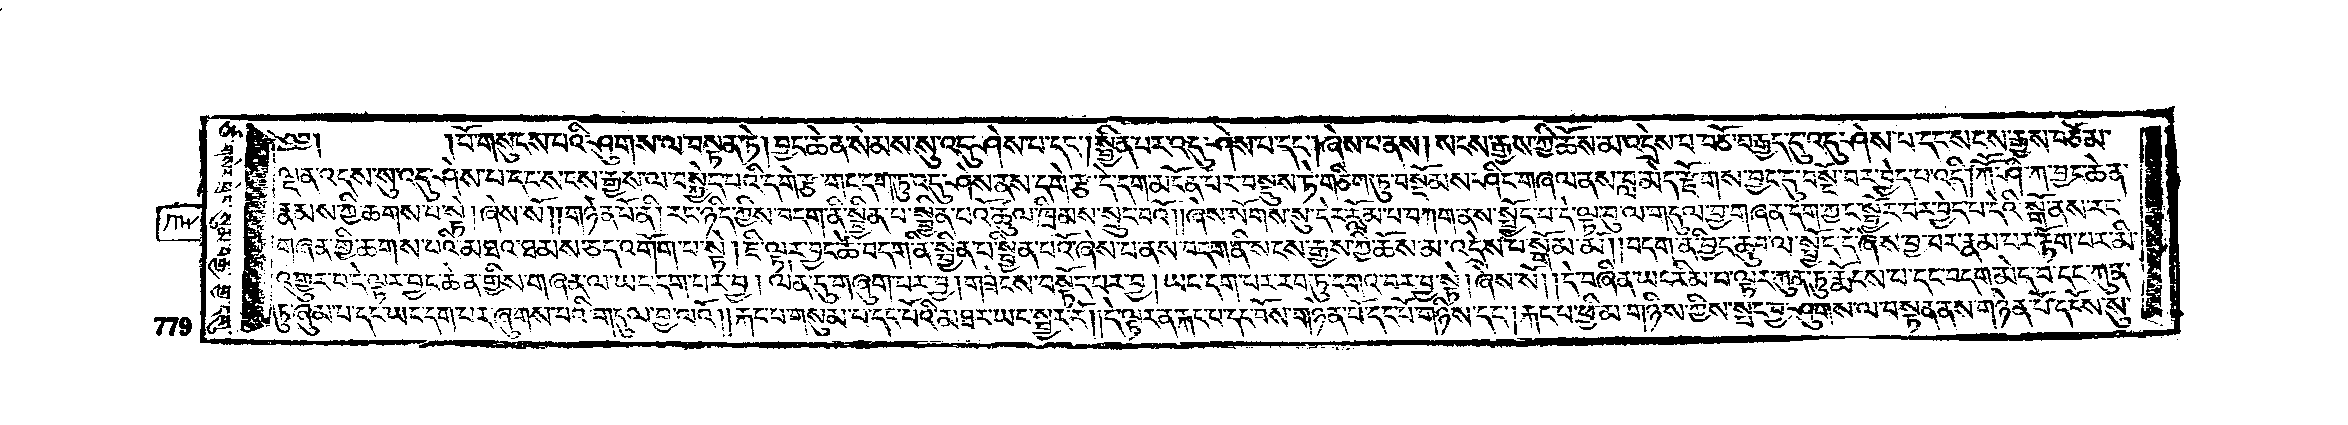༄༅། །པོ་གསུངས་པའི་ཤུགས་ལ་བསྟན་ཏེ། བྱང་ཆེན་སེམས་སུ་འདུ་ཤེས་པ་དང་། སྦྱིན་པར་འདུ་ཤེས་པ་དང་། ཞེས་པ་ནས། སངས་རྒྱས་ཀྱི་ཆོས་མ་འདྲེས་པ་བཅོ་བརྒྱད་དུ་འདུ་ཤེས་པ་དང་སངས་རྒྱས་བཅོམ་
ལྡན་འདས་སུ་འདུ་ཤེས་པ་དང་སངས་རྒྱས་ལ་བསྐྱེད་པའི་དགེ་རྩ་གང་དག་ཏུ་འདུ་ཤེས་ནས་དགེ་རྩ་དེ་དག་མངོན་པར་བསྡུས་ཏེ་གཅིག་ཏུ་བསྡོམས་ཤིང་གཞལ་ནས་བླ་མེད་རྫོགས་བྱང་དུ་བསྔོ་བར་བྱེད་པ་འདི། ཀཽ་ཤི་ཀ་བྱང་ཆེན་
རྣམས་ཀྱི་ཆགས་པ་སྟེ། ཞེས་སོ། །གཉེན་པོ་ནི། རང་ཉིད་ཀྱིས་བདག་ནི་སྦྱིན་པ་སྦྱིན་པའོ་ཚུལ་ཁྲིམས་སྲུང་བའོ། །ཞེས་སོགས་སུ་དེར་རློམ་པ་བཀག་ནས་སྤྱོད་པ་དེ་ལྟ་བུ་ལ་གདུལ་བྱ་གཞན་དག་ཀྱང་སྦྱོར་བར་བྱེད་པ་དེའི་སྒོ་ནས་རང་
གཞན་གྱི་ཆགས་པའི་མཐའ་ཐམས་ཅད་འགོག་པ་སྟེ། ཇི་ལྟར་བྱང་ཚེ་བདག་ནི་སྦྱིན་པ་སྦྱིན་པའོ་ཞེས་པ་ནས་བདག་ནི་སངས་རྒྱས་ཀྱི་ཆོས་མ་འདྲེས་པ་སྒོམ་མོ། །བདག་ནི་བྱང་ཆུབ་ལ་སྤྱོད་དོ་ཞེས་བྱ་བར་རྣམ་པར་རྟོག་པར་མི་
འགྱུར་བ་དེ་ལྟར་བྱང་ཆེན་གྱིས་གཞན་ལ་ཡང་དག་པར་བྱ། ལེན་དུ་གཞུག་པར་བྱ། གཟེངས་བསྟོད་པར་བྱ། ཡང་དག་པར་རབ་ཏུ་དགའ་བར་བྱ་སྟེ། ཞེས་སོ། །དེ་བཞིན་ཡང་རིམ་པ་ལྟར་ཀུན་ཏུ་རྨོངས་པ་དང་བདག་མེད་པ་དང་ཀུན་
ཏུ་ཞུམ་པ་དང་ཡང་དག་པར་ཞུགས་པའི་གདུལ་བྱ་ལའོ། །རྐང་པ་གསུམ་པ་དང་པོའི་མཐར་ཡང་སྦྱར་རོ། །དེ་ལྟར་ན་རྐང་པ་དང་པོས་གཉེན་པོ་དང་པོ་གཉིས་དང་། རྐང་པ་ཕྱི་མ་གཉིས་ཀྱིས་སྤང་བྱ་ཤུགས་ལ་བསྟན་ནས་གཉེན་པོ་དངོས་སུ་